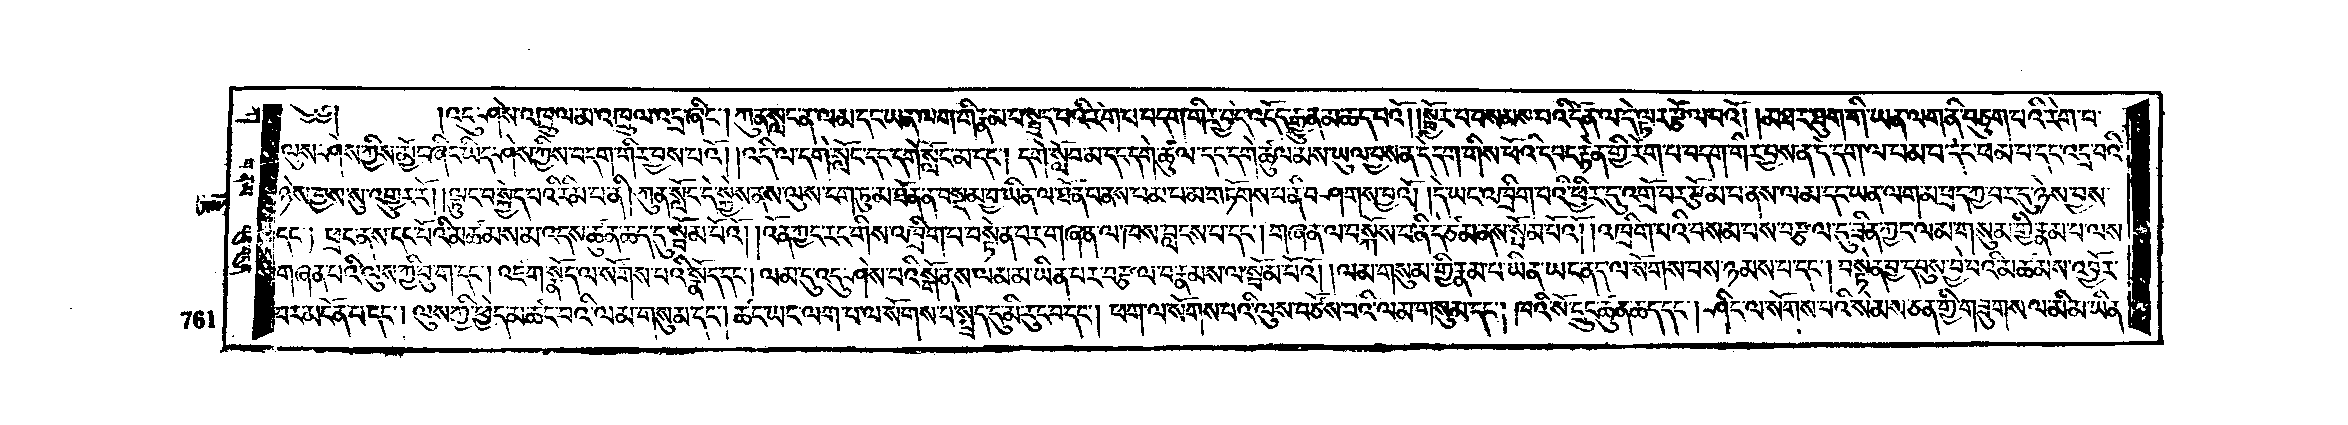༄༅། །འདུ་ཤེས་འཁྲུལ་མ་འཁྲུལ་འདྲ་ཞིང་། ཀུན་སླང་ན་ལམ་དང་ཡན་ལག་གི་རྣམ་པ་སྤྲད་པའི་རེག་པ་བདག་གིར་བྱེད་འདོད་རྒྱུན་མ་ཆད་པའོ། །སྦྱོར་བ་བསམས་པའི་དོན་ལ་དེ་ལྟར་རྩོལ་བའོ། །མཐར་ཐུག་གི་ཡན་ལག་ནི་བཅུག་པའི་རེག་པ་
ལུས་ཤེས་ཀྱིས་མྱོང་ཞིང་ཡིད་ཤེས་ཀྱིས་བདག་གིར་བྱས་པའོ། །འདི་ལ་དགེ་སློང་དང་དགེ་སློང་མ་དང་། དགེ་སློབ་མ་དང་དགེ་ཚུལ་དང་དགེ་ཚུལ་མས་ཡུལ་བྱས་ན་དེ་དག་གིས་ཕོའི་དབང་རྟེན་གྱི་རེག་པ་བདག་གིར་བྱས་ན་དེ་དག་ལ་ཕམ་པ་དང་ཕམ་པ་དང་འདྲ་བའི་
ཉེས་བྱས་སུ་འགྱུར་རོ། །ལྟུང་བ་སྐྱེད་པའི་རིམ་པ་ནི། ཀུན་སློང་དེ་སྐྱེས་ནས་ལུས་ངག་ཏུ་མ་ཐོན་ན་བསྡམ་བྱ་ཡིན་ལ་ཐོན་པ་ནས་ཕམ་པ་མ་གཏོགས་པ་ནི་བཤགས་བྱའོ། །དེ་ཡང་འཁྲིག་པའི་ཕྱིར་དུ་འགྲོ་བར་རྩོམ་པ་ནས་ལམ་དང་ཡན་ལག་མ་ཕྲད་ཀྱ་བར་དུ་ཉེས་བྱས་
དང་། ཕྲང་ནས་དང་པོའི་མཚམས་མ་འདས་ཚུན་ཆད་དུ་སྦོམ་པོའོ། །འོན་ཀྱང་རང་གིས་འཁྲིག་པ་བསྟེན་པར་གཞན་ལ་ཁས་བླངས་པ་དང་། གཞན་ལ་བསྐོས་པ་ནི་དེ་ཙམ་ནས་སྤོམ་པོའོ། །འཁྲིག་པའི་བསམ་པས་བརྩལ་དུ་ཟིན་ཀྱང་ལམ་གསུམ་གྱི་རྣམ་པ་ལས་
གཞན་པའི་ལུས་ཀྱི་བུ་ག་དང་། འཇིག་སྣོད་ལ་སོགས་པའི་སྣོད་དང་། ལམ་དུ་འདུ་ཤེས་པའི་སྒོ་ནས་ལམ་མ་ཡིན་པར་བརྩལ་བ་རྣམས་ལ་སྦོམ་པོའོ། །ལམ་གསུམ་གྱི་རྣམ་པ་ཡིན་ཡང་ནད་ལ་སོགས་པས་ཉམས་པ་དང་། བསྟེན་བྱ་དབུས་བྱེ་བའི་མཚམས་འབྱོར་
བར་མངོན་པ་དང་། ལུས་ཀྱི་ཕྱེད་མ་ཚང་བའི་ལམ་གསུམ་དང་། ཚང་ཡང་ལག་པ་ལ་སོགས་པ་སྤྲད་དུ་མི་རུང་བ་དང་། ཕག་ལ་སོགས་པའི་ལུས་བཙོས་པའི་ལམ་གསུམ་དང་། ཁའི་སོ་དྲུང་ཚུན་ཆད་དང་། ཤིང་ལ་སོགས་པའི་སེམས་ཅན་གྱི་གཟུགས་ལ་མི་མ་ཡིན་